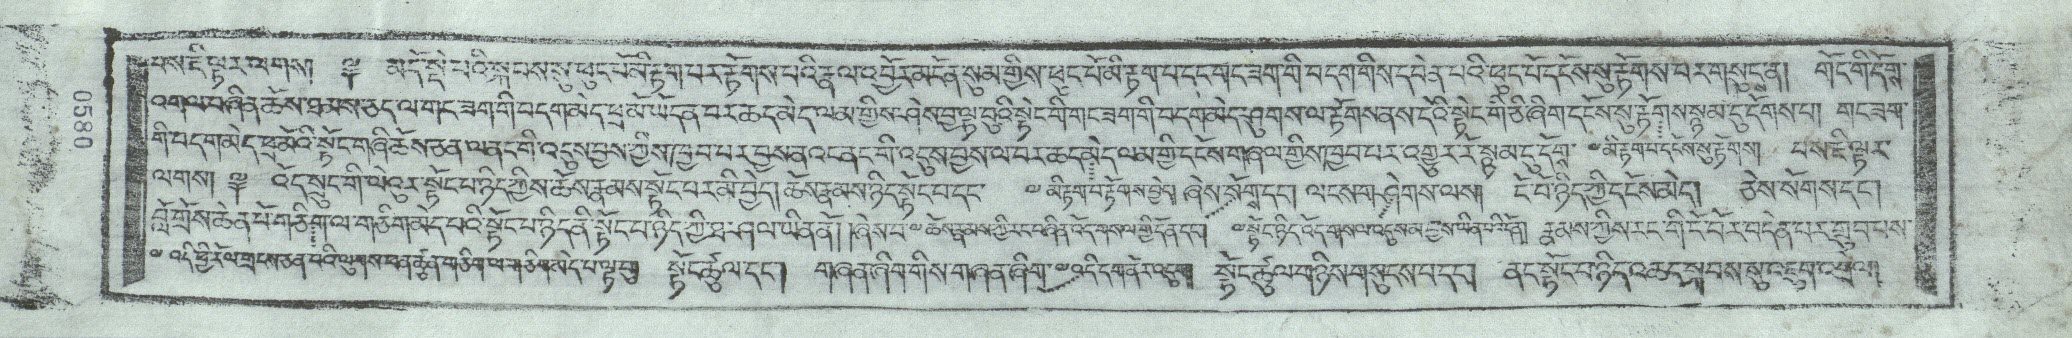པས་ཇི་ལྟར་ལགས། ༈ མདོ་སྡེ་པའི་སྐབས་སུ་ཕུང་པོ་མི་རྟག་པར་རྟོགས་པའི་རྣལ་འབྱོར་མངོན་སུམ་གྱིས་ཕུང་པོ་མི་རྟག་པ་དང་གང་ཟག་གི་བདག་གིས་དབེན་པའི་ཕུང་པོ་དངོས་སུ་རྟོགས་པར་གསུངས་ན། གོང་གི་དོགས་
འགལ་བཞིན་ཆོས་ཐམས་ཅད་ལ་གང་ཟག་གི་བདག་མེད་ཕྲ་མོ་ཡོད་ན་བར་ཆད་མེད་ལམ་གྱིས་ཤེས་བྱ་ལྟ་བུའི་སྟེང་གི་གང་ཟག་གི་བདག་མེད་ཤུགས་ལ་རྟོགས་ནས་དེའི་སྟེང་གི་ཅི་ཞིག་དངོས་སུ་རྟོགས་སྙམ་དུ་དོགས་པ། གང་ཟག་
གི་བདག་མེད་ཕྲ་མོའི་སྟོང་གཞི་ཆོས་ཅན་ལ་ནང་གི་འདུས་བྱས་ཀྱིས་ཁྱབ་པར་བྱས་ནའང་ནང་གི་འདུས་བྱས་ལ་བར་ཆད་མེད་ལམ་གྱི་དངོས་གཞལ་གྱིས་ཁྱབ་པར་འགྱུར་རོ་སྙམ་དུ་དོགས་༧མི་རྟག་པ་དངོས་སུ་རྟོགས།  པས་ཇི་ལྟར་
ལགས། ༈ འོད་སྲུང་གི་ལེའུར་སྟོང་པ་ཉིད་ཀྱིས་ཆོས་རྣམས་སྟོང་པར་མི་བྱེད། ཆོས་རྣམས་ཉིད་སྟོང་པ་དང་༧མི་རྟག་པ་རྟོགས་བྱེད།  ཞེས་སོགས་དང་། ལངས་གཤེགས་ལས། ངོ་བོ་ཉིད་ཀྱི་དངོས་མེད། ཅེས་སོགས་དང་།
བློ་གྲོས་ཆེན་པོ་གཅིག་ལ་གཅིག་མེད་པའི་སྟོང་པ་ཉིད་ནི་སྟོང་པ་ཉིད་ཀྱི་ཐ་ཤལ་ཡིན་ནོ། །ཞེས་པ་༧ཆོས་རྣམས་ཀྱི་རང་བཞིན་འོད་གསལ་གྱི་དོན་དང་། ༧སྟོང་ཉིད་འོད་གསལ་འདུས་མ་བྱས་ཡིན་པའི་དོན།  རྣམས་ཀྱིས་རང་གི་ངོ་བོར་བདེན་པར་གྲུབ་པས་
༧་འདི་ཕྱི་རོལ་གྲངས་ཅན་པའི་ལུགས་ཕན་ཚུན་གཅིག་ཟླ་གཅི་མེད་པ་ལྟ་བུ།  སྟོང་ཚུལ་དང་། གཞན་ཞིག་གིས་གཞན་ཞིག་༧འདི་དག་ནོར་འདུག།  སྟོང་ཚུལ་གཉིས་གསུངས་བ་དང་། ནང་སྟོང་པ་ཉིད་འཆད་སྐབས་སུ་འཇུག་འགྲེལ།